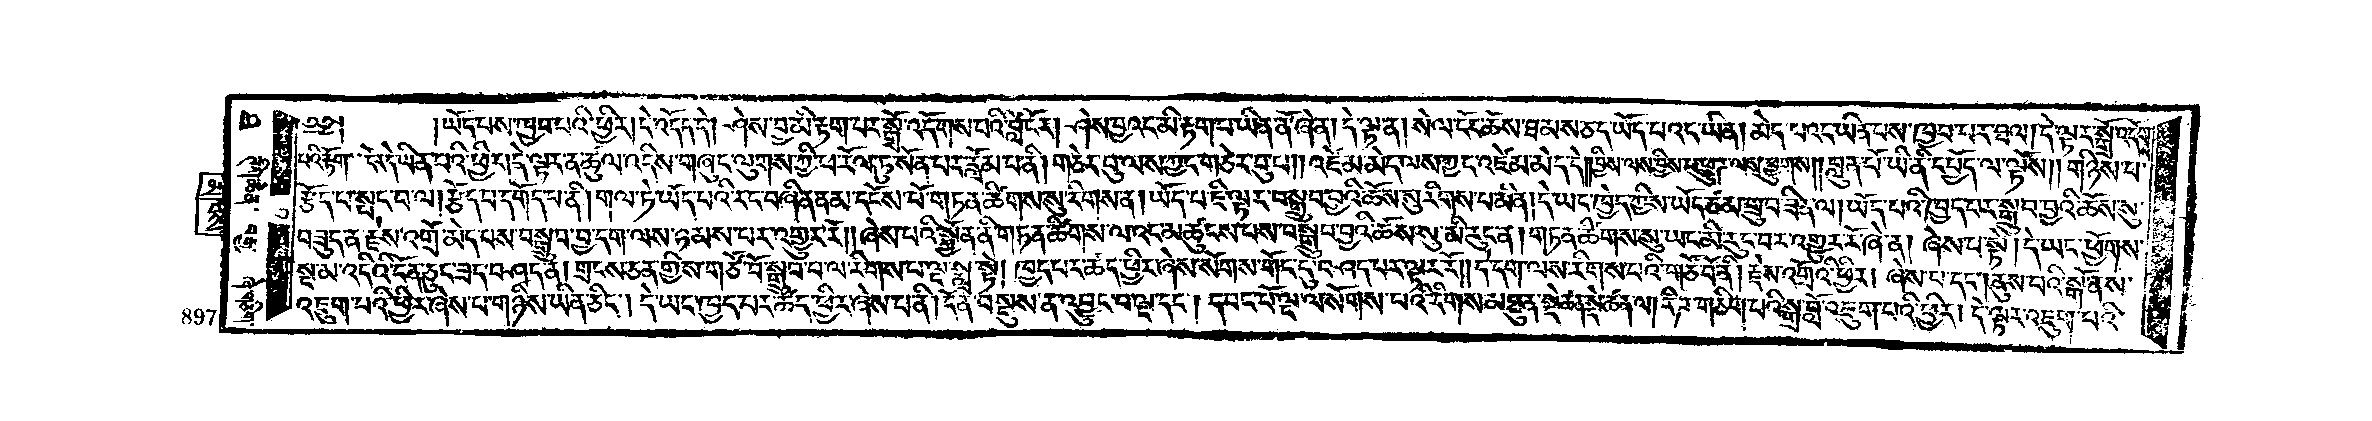༄༅། །ཡོད་པས་ཁྱབ་པའི་ཕྱིར། དེ་འདོད་དེ། ཤེས་བྱ་མི་རྟག་པར་སྒྲོ་འདོགས་པའི་བློ་ངོར། ཤེས་བྱའང་མི་རྟག་པ་ཡིན་ནོ་ཞེ་ན། དེ་ལྟ་ན། སེལ་ངོར་ཆོས་ཐམས་ཅད་ཡོད་པའང་ཡིན། མེད་པའང་ཡིན་པས་ཁྱབ་པར་ཐལ། དེ་ལྟར་སྒྲོ་འདོགས་
པའི་རྟོག་ངོར་དེ་ཡིན་པའི་ཕྱིར། དེ་ལྟར་ན་ཚུལ་འདིས་གཞུང་ལུགས་ཀྱི་ཕ་རོལ་ཏུ་སོན་པར་རློམ་པ་ནི། གཅེར་བུ་ལས་ཀྱང་གཅེར་བུ་པ། །འཛེམ་མེད་ལས་ཀྱང་འཛེམ་མེད་དེ། །བྱིས་ལས་བྱིས་པ་ཕྱུགས་ལས་ཕྱུགས། །བླུན་པོ་ཡི་ནི་དཔྱོད་ལ་ལྟོས། །གཉིས་པ་
རྩོད་པ་སྤང་བ་ལ། རྩོད་པ་དགོད་པ་ནི། གལ་ཏེ་ཡོད་པའི་རང་བཞིན་ནམ་དངོས་པོ་གཏན་ཚིགས་སུ་རིགས་ན། ཡོད་པ་ཇི་ལྟར་བསྒྲུབ་བྱའི་ཆོས་སུ་རིགས་པ་མིན། དེ་ཡང་ཁྱེད་ཀྱིས་ཡོད་ཙམ་གྲུབ་ཟིན་ལ། ཡོད་པའི་ཁྱད་པར་སྒྲུབ་བྱའི་ཆོས་སུ་
བཟུང་ན་རྗེས་འགྲོ་མེད་པས་བསྒྲུབ་བྱ་དག་ལས་ཉམས་པར་འགྱུར་རོ། །ཞེས་པའི་སྐྱོན་ནི་གཏན་ཚིགས་ལའང་མཚུངས་པས་བསྒྲུབ་བྱའི་ཆོས་སུ་མི་རུང་ན། གཏན་ཚིགས་སུ་ཡང་མི་རུང་བར་འགྱུར་རོ་ཞེ་ན། ཞེས་པ་སྟེ། དེ་ཡང་ཕྱོགས་
སྔ་མ་འདིའི་དོན་ཅུང་ཟད་བཤད་ན། གྲངས་ཅན་གྱིས་གཙོ་བོ་སྒྲུབ་པ་ལ་རིགས་པ་ལྔ་སྨྲ་སྟེ། ཁྱད་པར་ཚད་ཕྱིར་ཞེས་སོགས་གོང་དུ་བཤད་པར་ལྟར་རོ། །དེ་དག་ལས་རིགས་པའི་གཙོ་བོ་ནི། རྗེས་འགྲོའི་ཕྱིར། ཞེས་པ་དང་། ནུས་པའི་སྒོ་ནས་
འཇུག་པའི་ཕྱིར་ཞེས་པ་གཉིས་ཡིན་ཅིང་། དེ་ཡང་ཁྱད་པར་ཚད་ཕྱིར་ཞེས་པ་ནི། དོན་བསྡུས་ན་འབྱུང་བ་ལྔ་དང་། དབང་པོ་ལྔ་ལ་སོགས་པའི་རིགས་མཐུན་སྡེ་ཚན་སྡེ་ཚན་ལ། རིགས་གཅིག་པའི་སྒྲ་བློ་འཇུག་པའི་ཕྱིར། དེ་ལྟར་འཇུག་པའི་